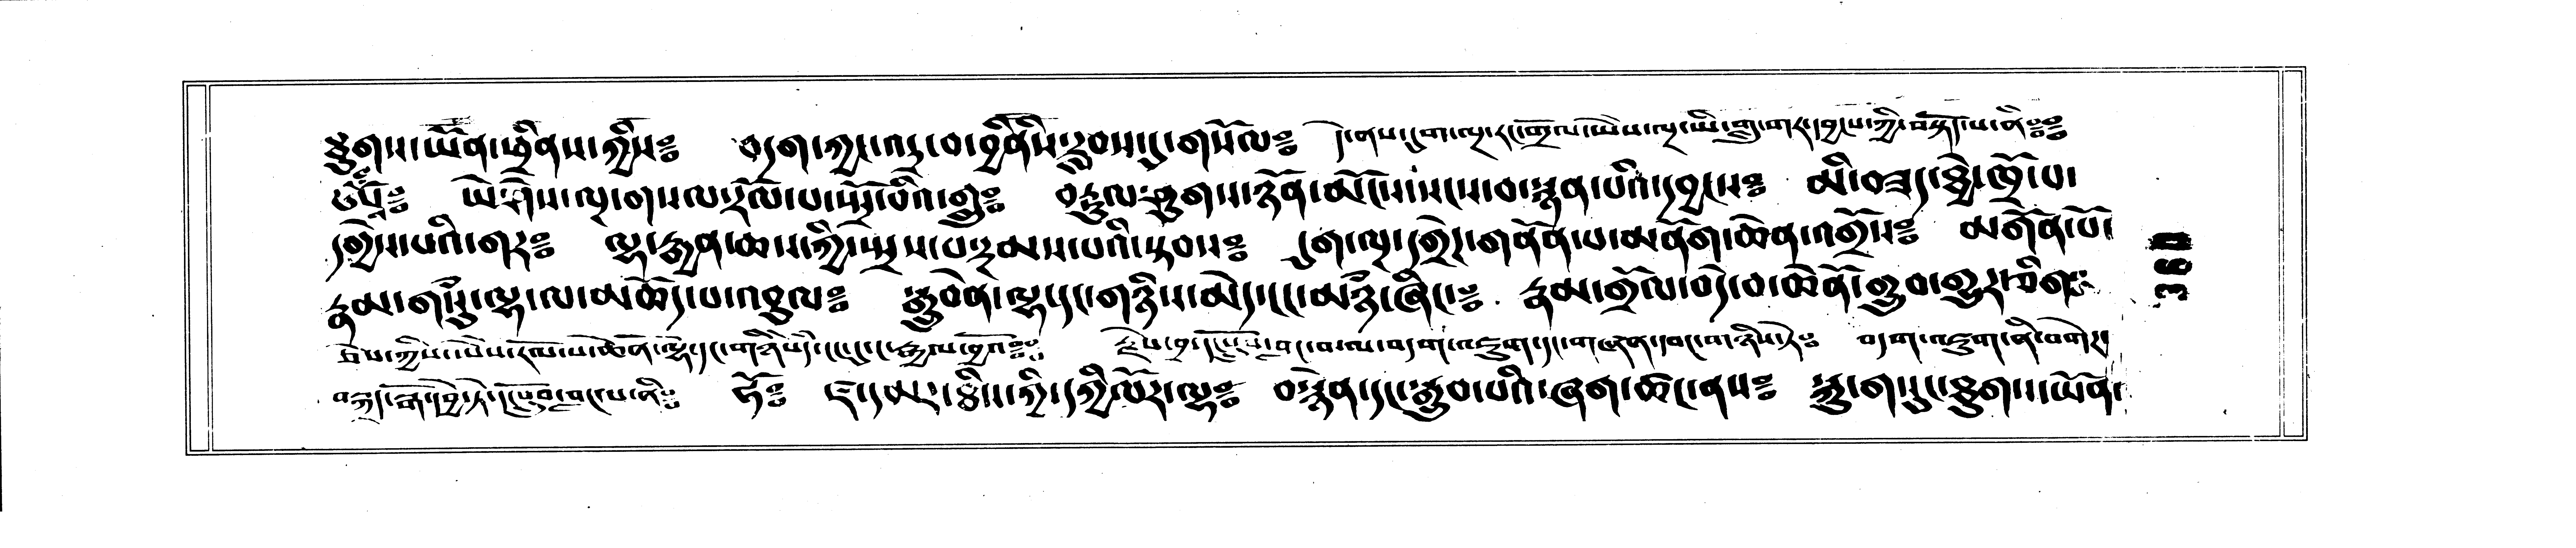ཐུགས་ཡོན་ཕྲིན་ལས་ཀྱིས༔ བདག་ཀྱང་འདྲ་བར་བྱིན་གྱིས་རླབས་དུ་གསོལ༔ དེ་ནས་དུག་ལྔ་རང་གྲོལ་ཡེ་ཤེས་ལྔ་ཡི་གླུ་གར་དབྱངས་ཀྱི་བསྟོད་པ་ནི༔༔ 
ཨཱོྃ༔ ཡེ་ཤེས་ལྔ་གསལ་རོལ་པ་སྤྲོ་བའི་གླུ༔ བརྟུལ་ཤུགས་ཉོན་མོངས་སངས་བ་སྙན་པའི་དབྱངས༔ མི་བཟད་ཐུགས་རྗེ་ཁྲོས་པ་
དགྱེས་པའི་གར༔ ལྷ་རྒྱན་ཆས་ཀྱིས་སྤྲས་པ་རྔམས་པའི་སྟབས༔ དུག་ལྔ་དགྲ་བགེགས་གནོན་པ་མནོག་ཆེན་འགྲོས༔ མགོན་པོ་
རྣམ་གསུམ་ལྷ་ལ་མཆོད་པ་འབུལ༔ སྒྲུབ་གཤེན་ལྷ་དང་གཉིས་མེད་ངང་མཉམ་ཞིང་༔ རྣམ་གྲོལ་བདེ་བ་ཆེན་པོ་གྲུབ་གྱུར་ཅིག༔ 
ཅེས་ཀྱིས་ཡེ་ཤེས་རོལ་པ་ཆེན་པོ་ལྷ་དང་གཉིས་མེད་ངང་དུ་ང་རྒྱལ་བྱའོ༔༔ རྗེས་བྱ་དངོས་གྲུབ་བླང་བ་ལ་བདག་འཇུག་དང་གཞན་དབང་གཉིས་ཏེཿ བདག་འཇུག་ནི་བགེགས་
བསྐྲད་སྒོ་དབྱེ་ཏེ་དངོས་གྲུབ་བླང་བ་ནི༔ ཧོ༔ ཛྭ་དམར་ཐིས་ཀྱི་དཀྱིལ་འཁོར་ལྷ༔ བསྙེན་དང་སྒྲུབ་པའི་ཞག་ཚང་ནས༔ སྐུ་གསུང་ཐུགས་ཡོན་